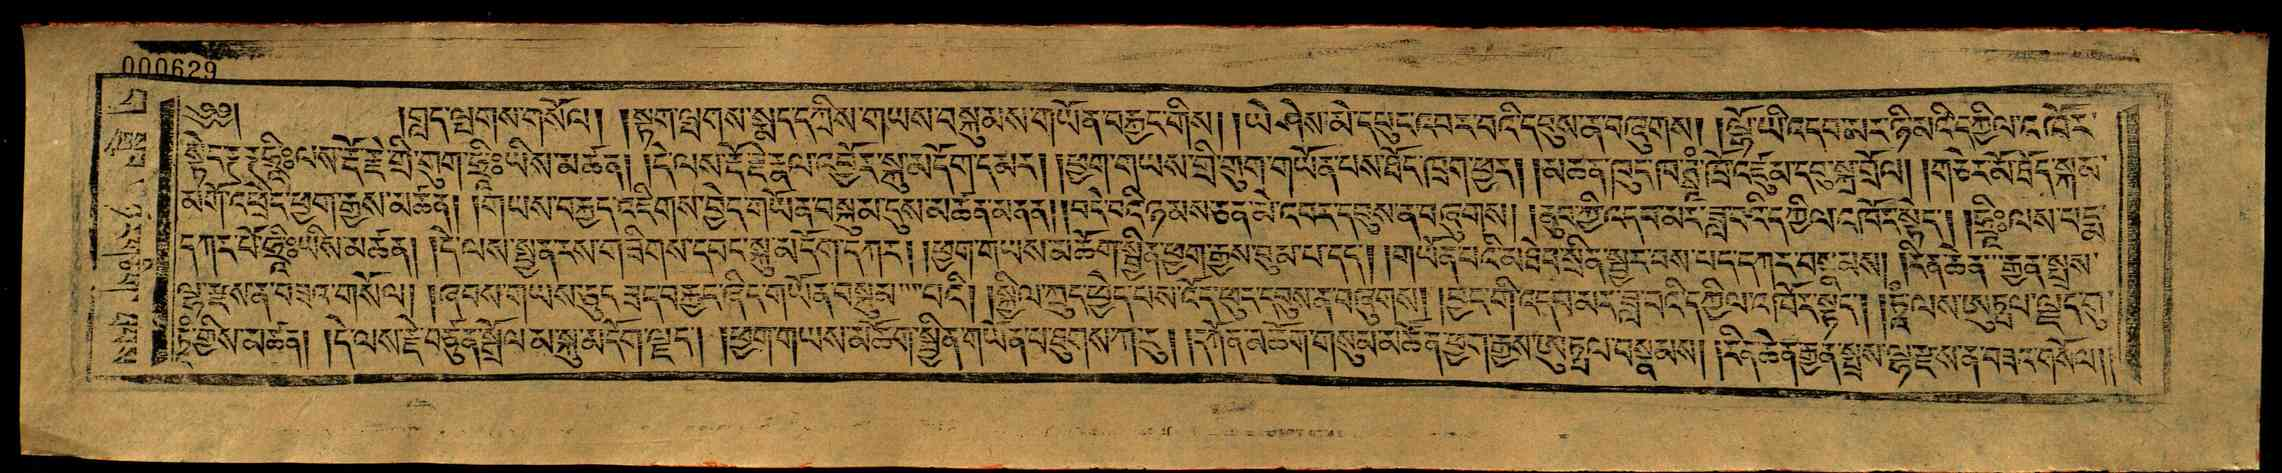༄༅། །གླང་ལྤགས་གསོལ། །སྟག་ལྤགས་སྨད་དཀྲིས་གཡས་བསྐུམས་གཡོན་བརྐྱང་གིས། །ཡེ་ཤེས་མེ་དཔུང་འབར་བའི་དབུས་ན་བཞུགས། །ལྷོ་ཡི་འདབ་མར་ཉི་མའི་དཀྱིལ་འཁོར་
སྟེང༑ ༑ཧཱུཾ་H ལས་རྡོ་རྗེ་གྲི་གུག་ཧྲཱིཿ ཡིས་མཚན། །དེ་ལས་རྡོ་རྗེ་རྣལ་འབྱོར་སྐུ་མདོག་དམར། །ཕྱག་གཡས་གྲི་གུག་གཡོན་པས་ཐོད་ཁྲག་ཕྱིར། །མཆན་ཁུང་ཁཊཱཾ་ཁྲོ་འཛུམ་དབུ་སྐྲ་གྲོལ། །གཅེར་མོ་ཐོད་སྐམ་
མགོ་འཕྲེང་ཕྱག་རྒྱས་མཚན། །གཡས་བརྐྱང་འཇིགས་བྱེད་གཡོན་བསྐུམ་དུས་མཚན་མནན། །བདེ་བའི་ཉམས་ཅན་མེ་འབར་དབུས་ན་བཞུགས། །ནུབ་ཀྱི་འདབ་མར་ཟླ་བའི་དཀྱིལ་འཁོར་སྟེང་། །ཧྲཱིཿ ལས་པདམ་
དཀར་པོ་ཧྲཱིཿ ཡིས་མཚན། །དེ་ལས་སྤྱན་རས་གཟིགས་དབང་སྐུ་མདོག་དཀར། །ཕྱག་གཡས་མཆོག་སྦྱིན་ཕྱག་རྒྱས་བུམ་པ་དང་། །གཡོན་པའི་མཐེབ་སྲིན་སྦྱར་བས་པད་དཀར་བསྣམས། །རིན་ཆེན་རྒྱན་སྤྲས་
ལྷ་རྫས་ན་བཟའ་གསོལ། །ཞབས་གཡས་ཅུང་ཟད་བརྐྱང་ཞིང་གཡོན་བསྐུམ་པའི། །སྐྱིལ་ཀྲུང་བྱེད་པས་འོད་ཕུང་དབུས་ན་བཞུགས། །བྱང་གི་འདབ་མར་ཟླ་བའི་དཀྱིལ་འཁོར་སྟེང་། །ཧཱི་ལས་ཨུཏྤལ་ལྗང་གུ་
ཏཱཾ་གྱིས་མཚན། །དེ་ལས་རྗེ་བཙུན་སྒྲོལ་མ་སྐུ་མདོག་ལྗང་། །ཕྱག་གཡས་མཆོག་སྦྱིན་གཡོན་པ་ཐུགས་ཀ་རུ། །དཀོན་མཆོག་གསུམ་མཚོན་ཕྱག་རྒྱས་ཨུཏྤལ་བསྣམས། །རིན་ཆེན་རྒྱན་སྤྲས་ལྷ་རྫས་ན་བཟའ་གསོལ།